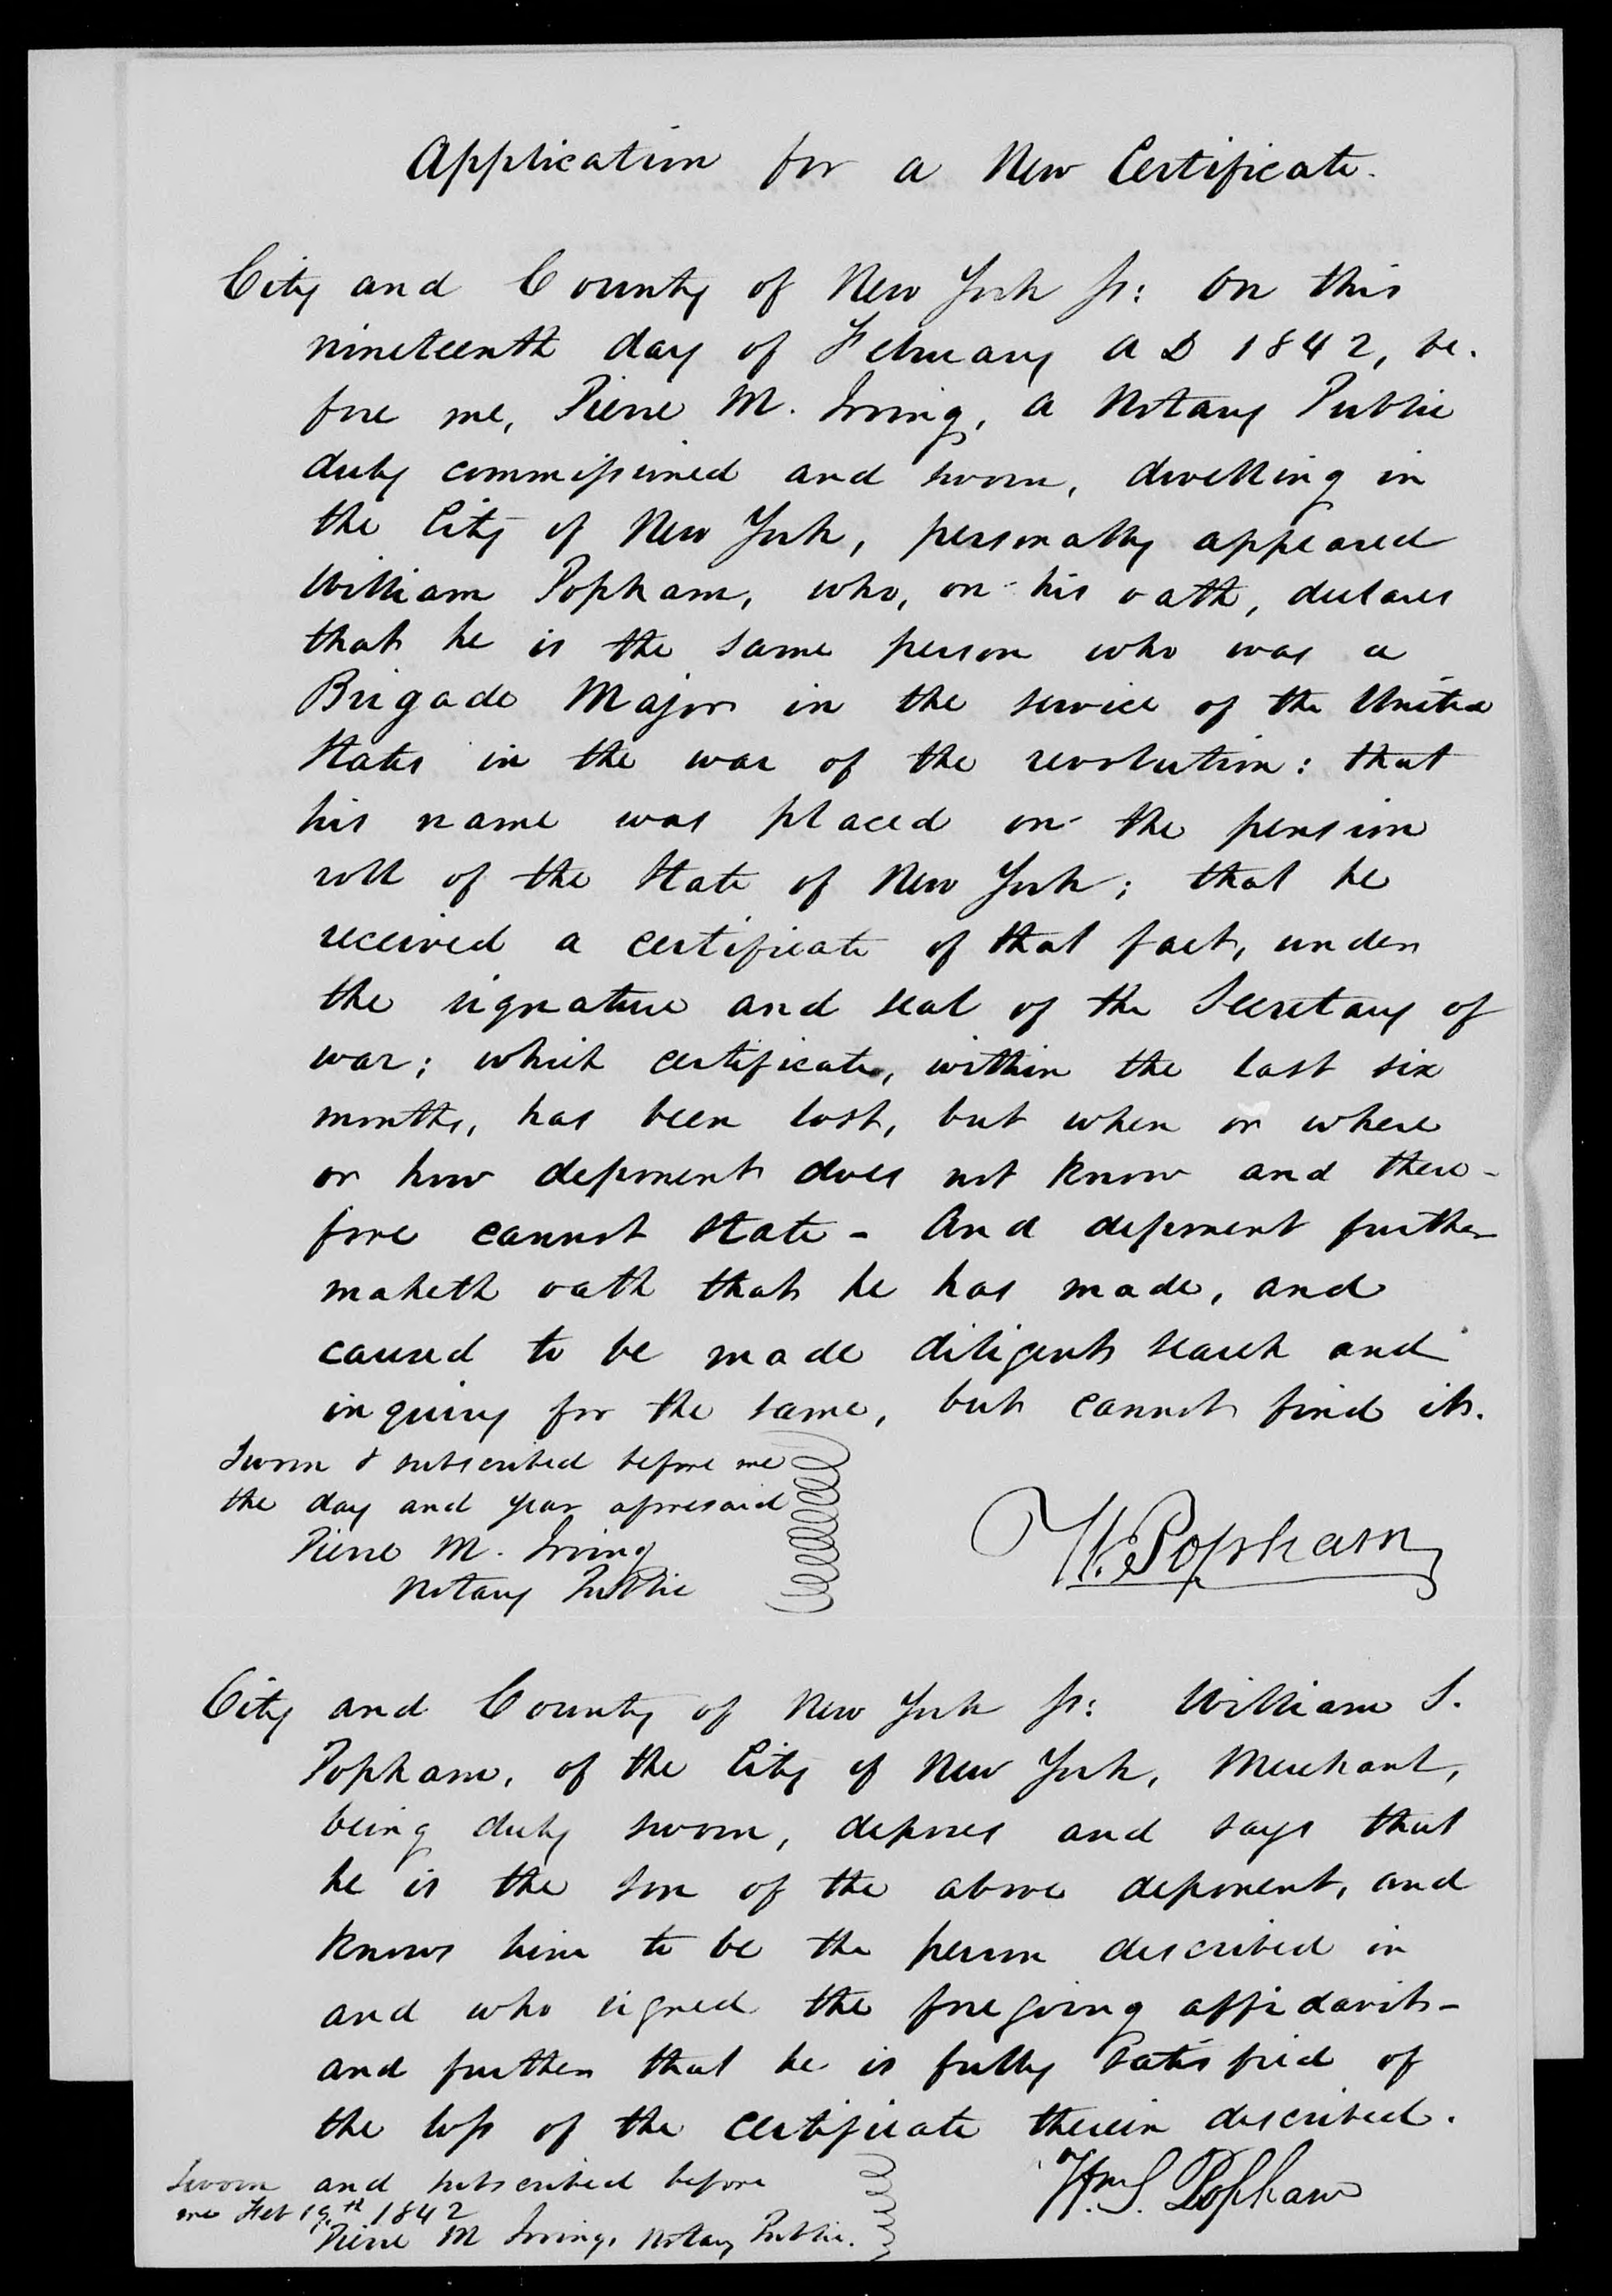Application for a New Certificate.

City and County of New York Ss: On this
nineteenth day of February AD 1842, before me, Pierce M. Irving, a Notary Public
duly commissioned and sworn, dwelling in
the City of New York, personally appeared
William Popham, who, on his oath, declares
that he is the same person who was a
Brigade Major in the service of the United States
in the war of the revolution: that
his name was placed on the pension
roll of the State of New York; that he
received a certificate of that fact, under the
signature and seal of the Secretary of
war; which certificate, within the last six
months, has been lost, but when or where
or how deponent does not know and therefore cannot state - And deponent further
maketh oath that he has made, and
caused to be made diligent search and
inquiry for the same,
but cannot find it.
W. Popham

Sworn & subscribed before me
the day and year aforesaid
Pierce M. Irving
Notary In the
City and County of New York ss:
William S. Popham of the City of New York, Merchant,
being duly sworn, deposes and says that
he is the son of the above deponent, and
knows him to be the person described in
and who signed the foregoing affidavit
and further that he is fully satisfied of
the less of the certificate therein described.
Wm. S. Popham
Sworn and subscribed before me Feb
19th, 1842
Pierce M Irving, Notary Public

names: William Popham; Pierce M Irving; William S Popham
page: 69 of 75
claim: survivor's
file: S. 9989, for William Popham, Delaware